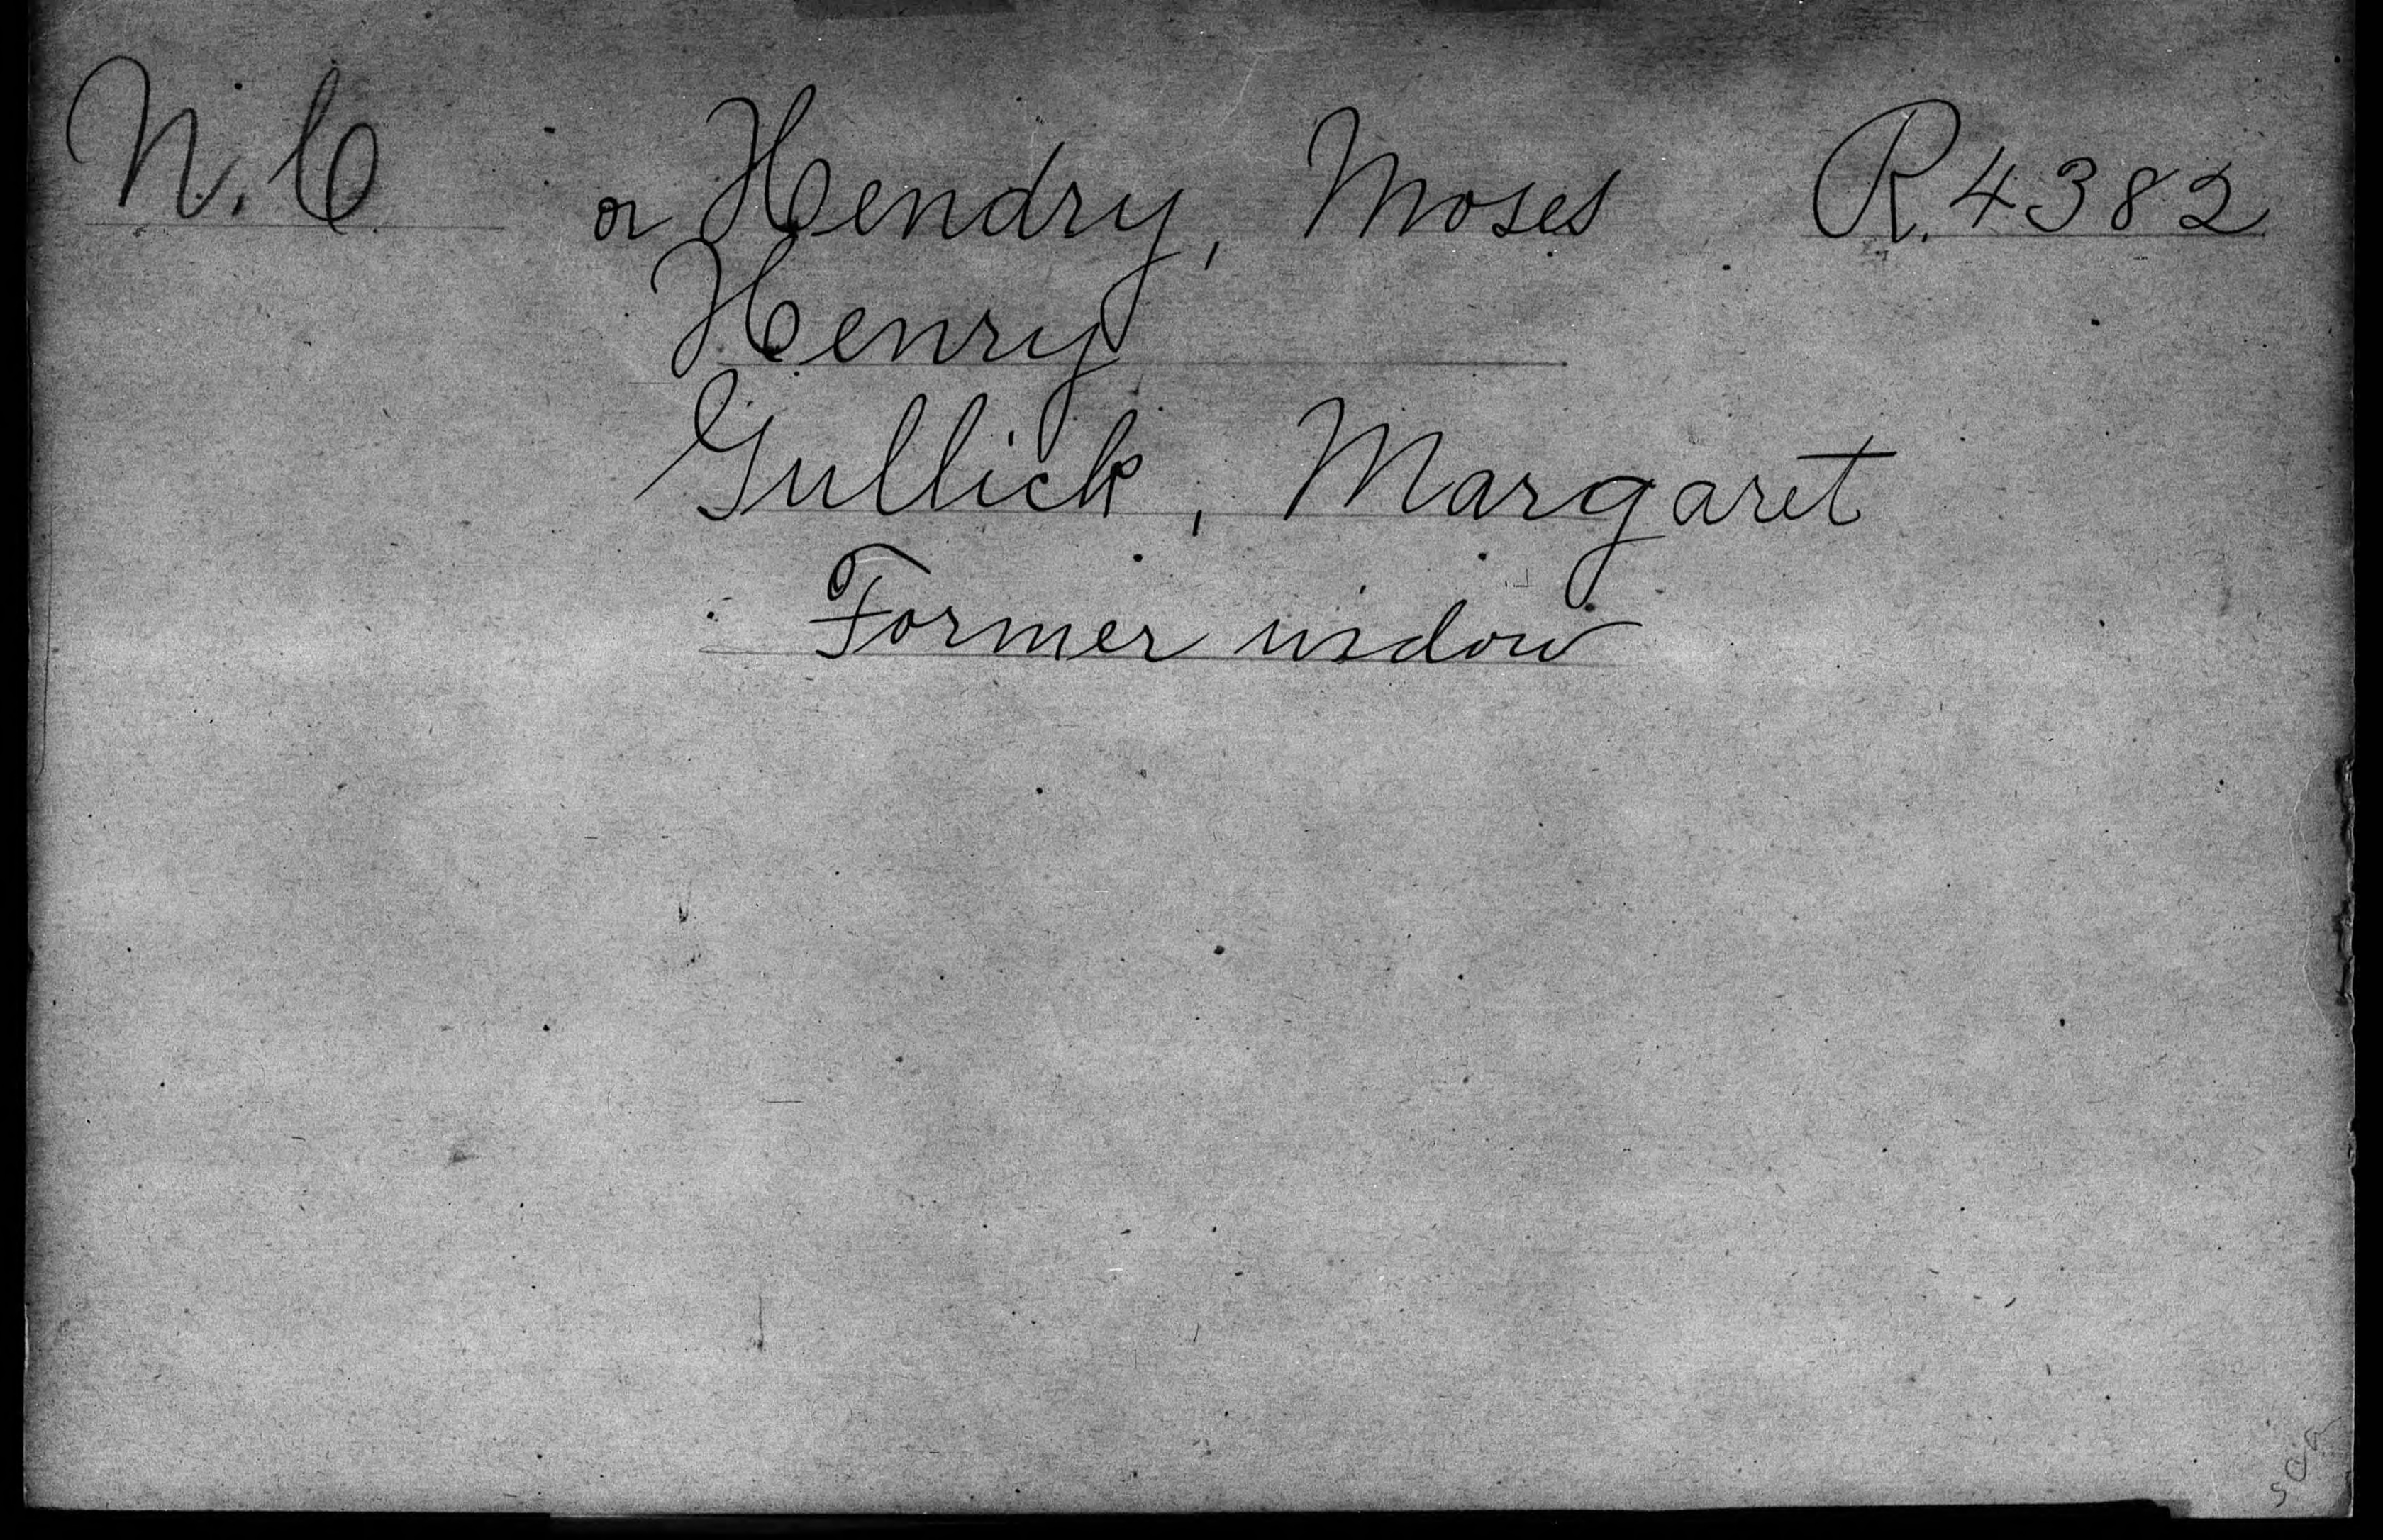N. C.     Hendry, Moses   R 4382
             or
             Henry
             Gullick, Margaret
                   Former widow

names: Moses Henry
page: 1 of 1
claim: rejected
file: R. 4382, Moses Hendry, N.C.